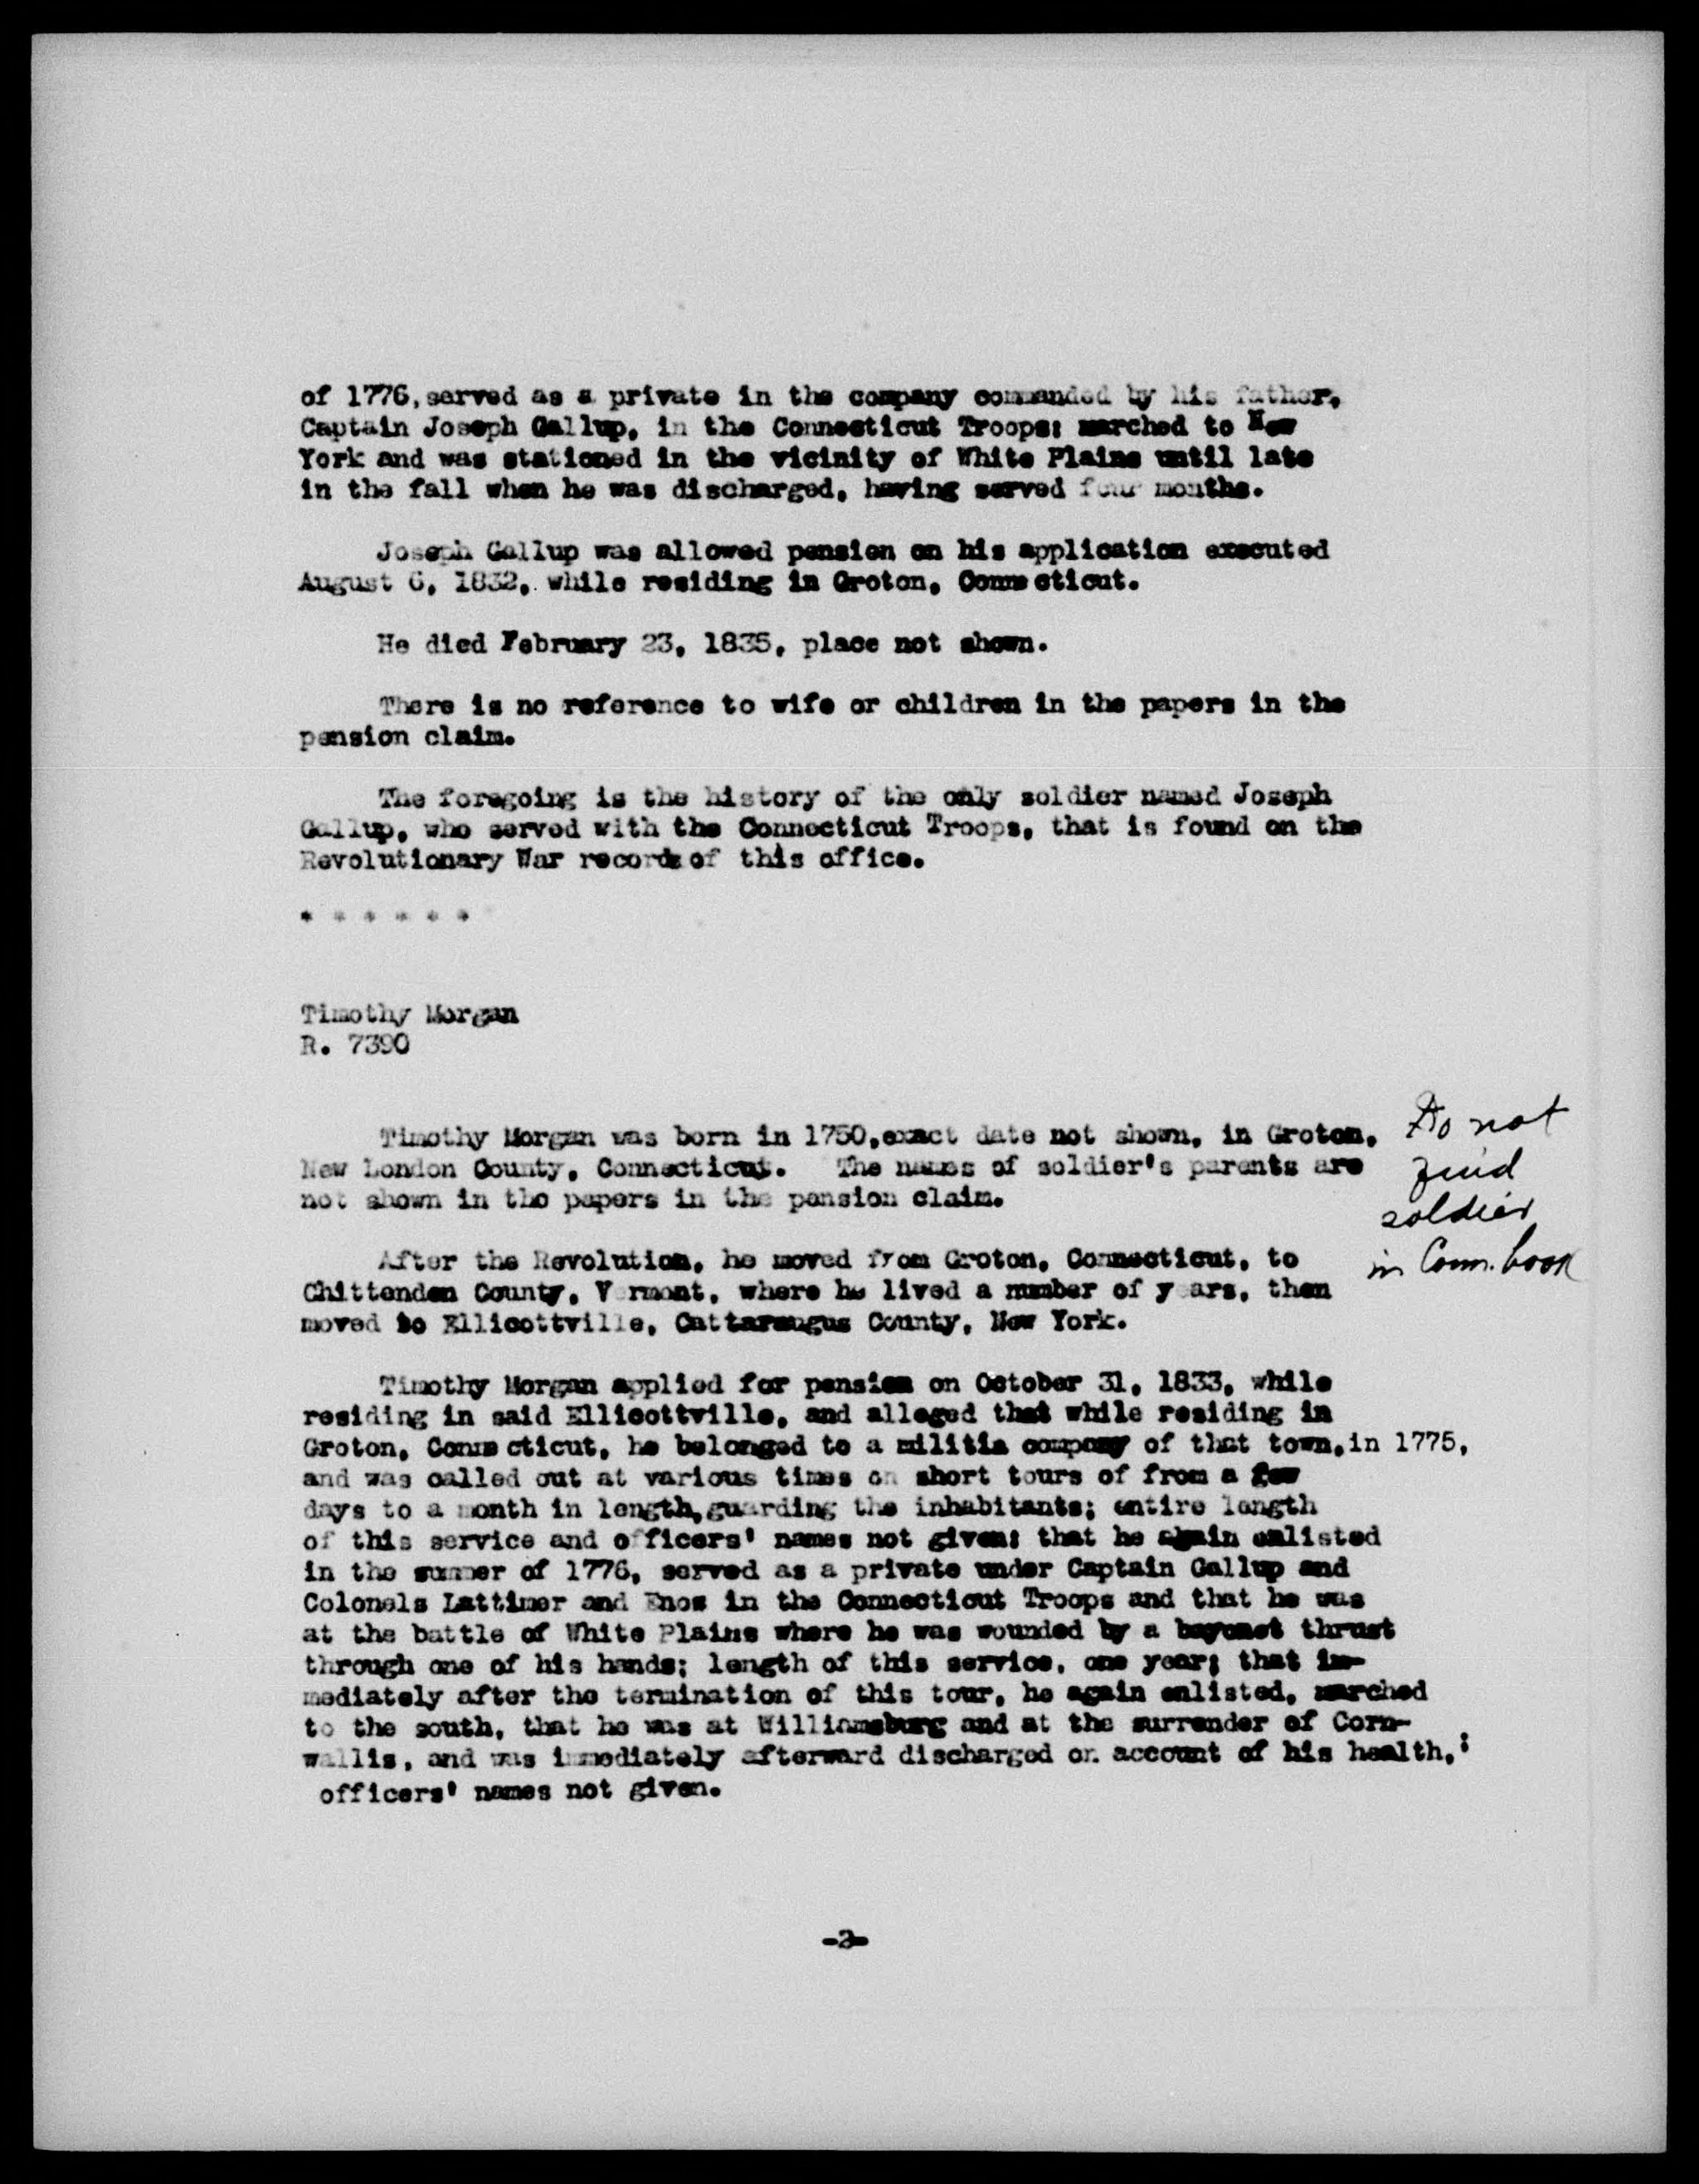of 1776, served as a private in the company commanded by his father,
Captain Joseph Gallup, in the Connecticut Troops, marched to New
York and was stationed in the vicinity of White Plains until late
in the fall when he was discharged, having served four months.
Joseph Gallup was allowed pension on his application executed
August 6, 1832, while residing in Groton, Connecticut.
He died February 23, 1835, place not shown.
There is no reference to wife or children in the papers in the
pension claim.
The foregoing is the history of the only soldier named Joseph
Gallup, who served with the Connecticut Troops, that is found on the
Revolutionary War record of this office.
Timothy Morgan
R. 7390
Timothy Morgan was born in 1750, exact date not shown, in Groton,
to not
New London County, Connecticut. The names of soldier's parents are
not shown in the papers in the pension claim.
find
soldier
After the Revolution, he moved from Groton, Connecticut to
Chittenden County, Vermont, where he lived a number of years, then
moved to Ellicottville, Cattaraugus County, New York.
Timothy Morgan applied for pension on October 31, 1833, while
residing in said Ellicottville, and alleged that while residing in
Groton, Connecticut, he belonged to a militia company of that town, in 1775,
and was called out at various times on short tours of from a few
days to a month in length, guarding the inhabitants; entire length
of this service and officers' names not given; that he again enlisted
in the summer of 1776, served as a private under Captain Gallup and
Colonels Lattimer and Enos in the Connecticut Troops and that he was
at the battle of White Plains where he was wounded by a bayonet thrust
through one of his hands; length of this service, one year; that immediately 
after the termination of this tour he again enlisted, marched
to the south, that he was at Williamsburg and at the surrender of Cornwallis, 
and was immediately afterward discharged on account of his health,
officers' names not given.
-2-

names: Timothy Morgan; Joseph Gallup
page: 9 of 19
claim: rejected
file: R 7390, for Timothy Morgan, Connecticut